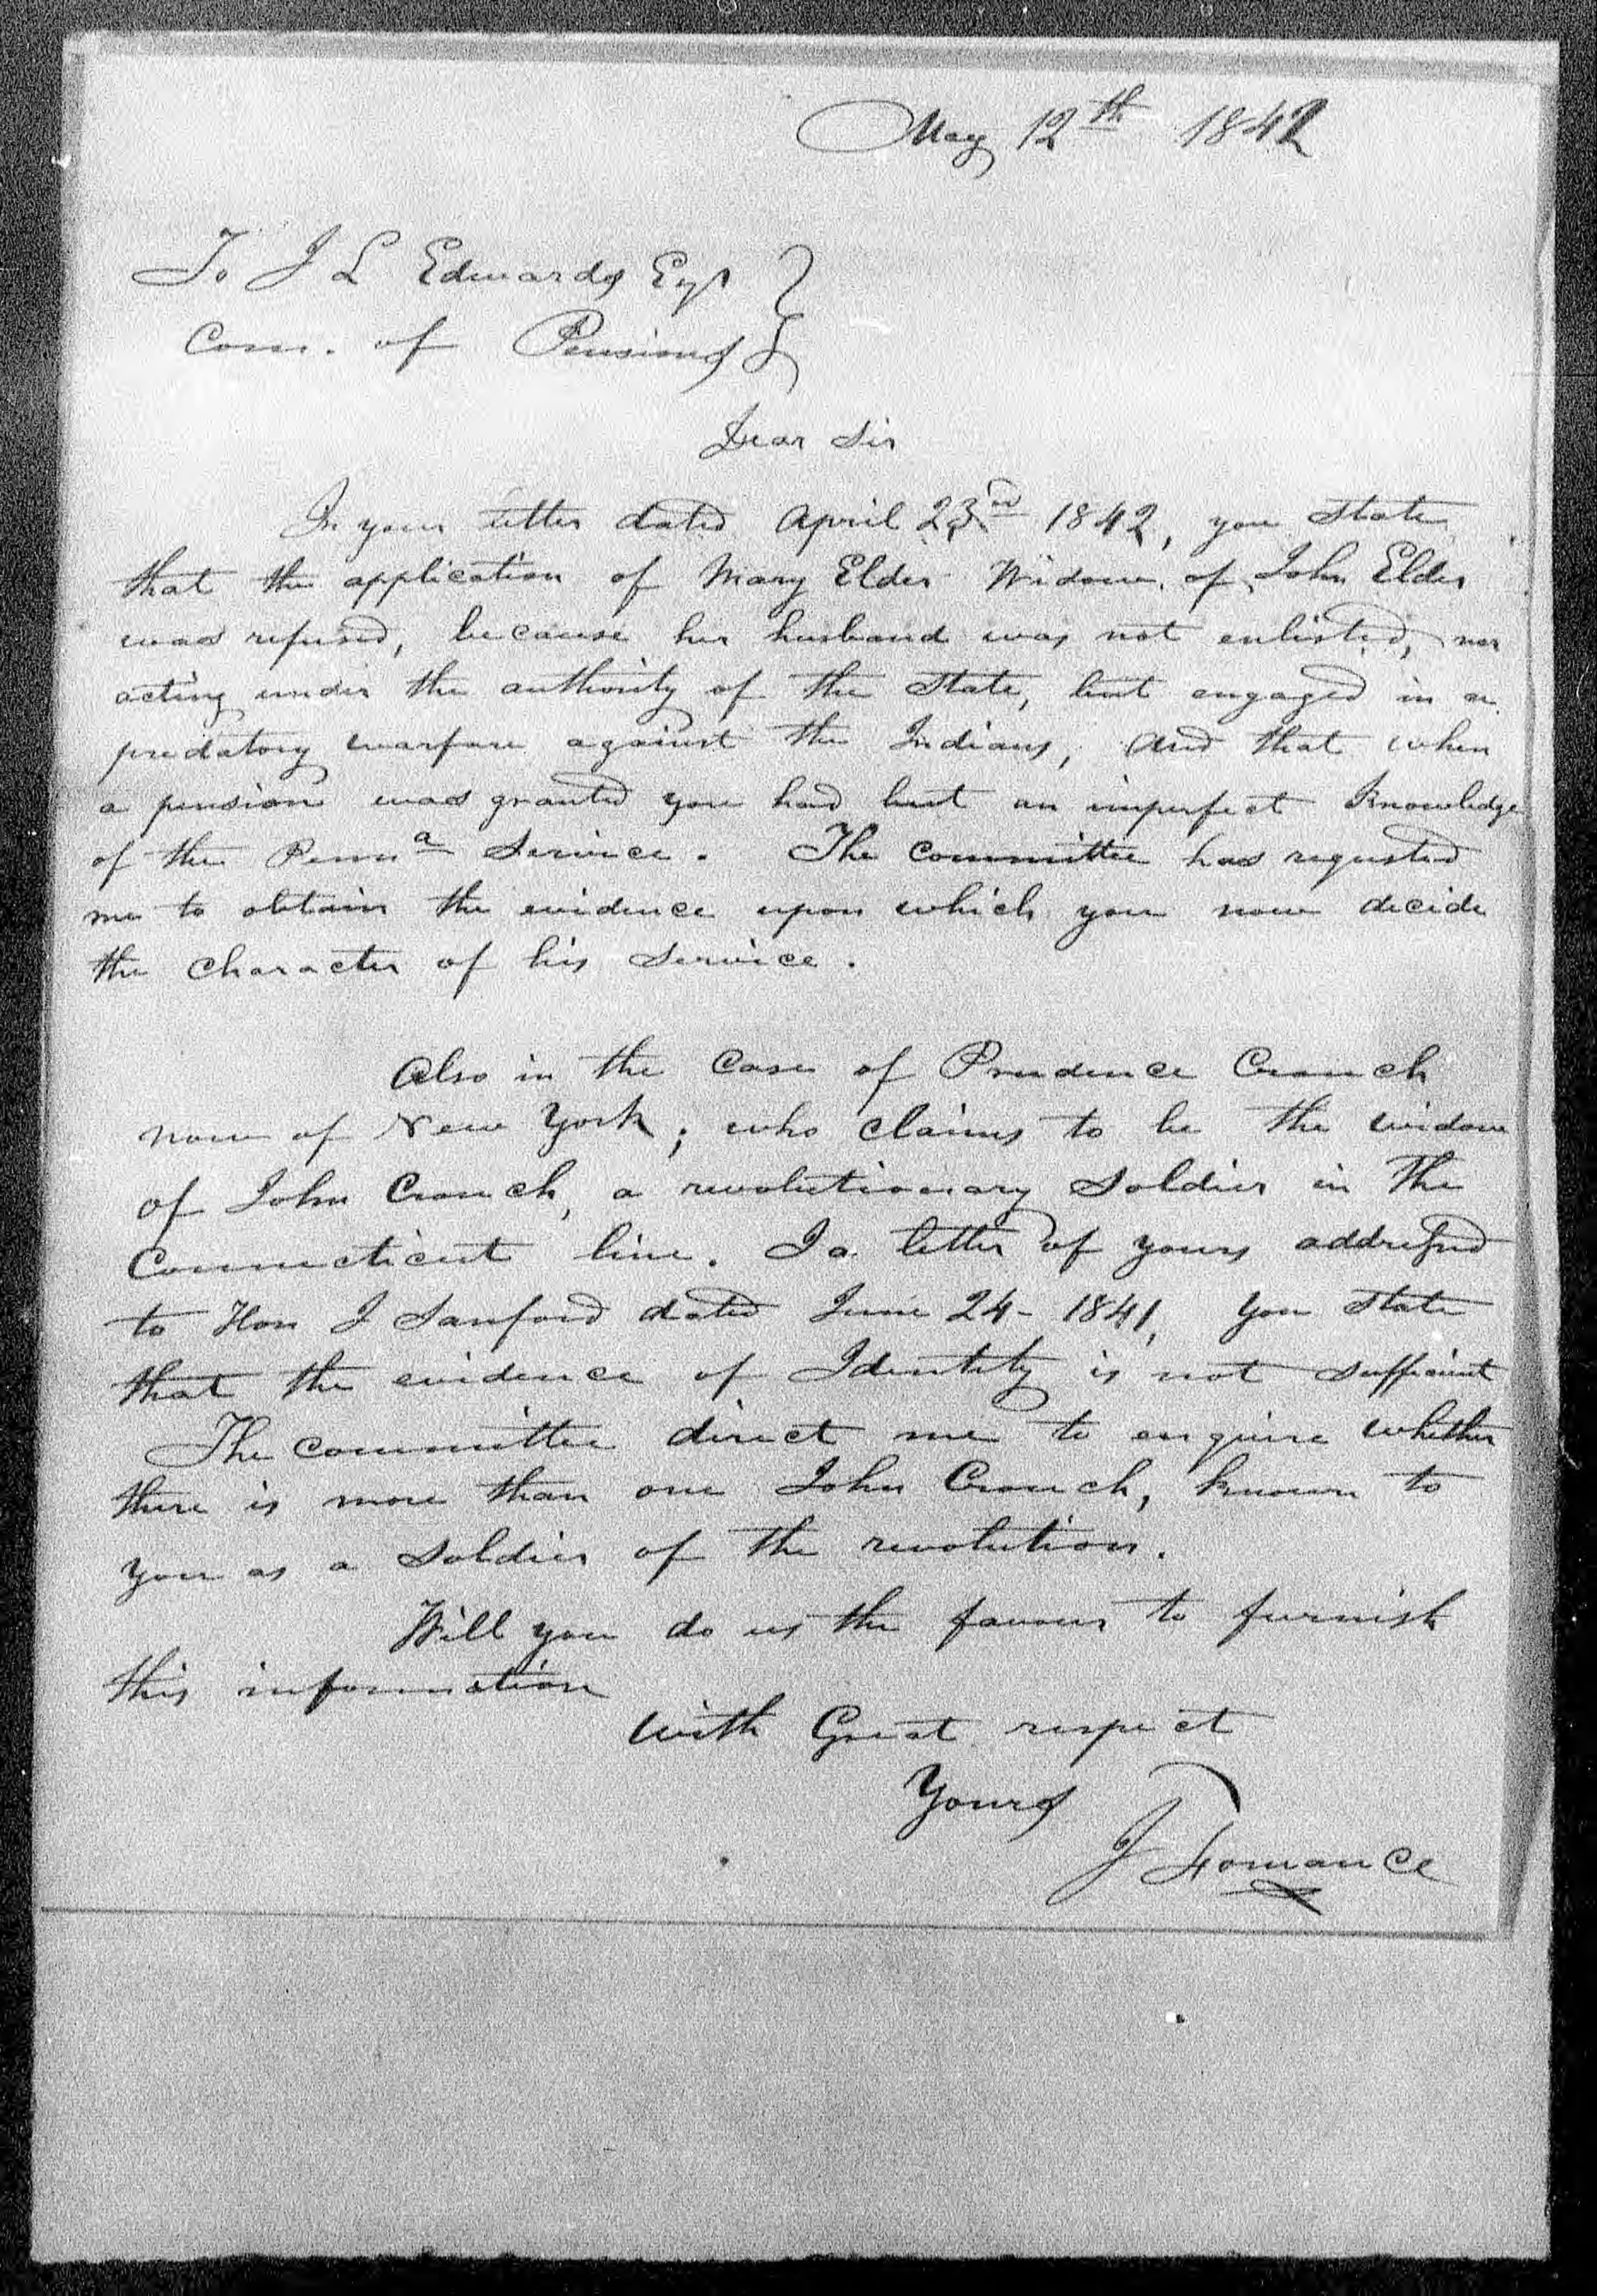May 12th 1842
To J L Edwards Esq
Comm of Pensions}
Dear Sir
In your letter dated April 23d 1842, you state that the application of Mary Elder, widow of John Elder was refused, because her husband was not enlisted, nor acting under the authority of the State, but engaged in a predatory warfare against the Indians, and that when a pension was granted you had best an imperfect knowledge of the Penna Service. The committee had requested me to obtain the evidence upon which you now decide the character of his service.

Also in the case of Prudence Couch now of New York; who claims to be the widow of John Couch, a revolutionary soldier in the Connecticut line. In a letter of yours addressed to Hon J Sanford dated June 24, 1841, you state that the evidence of Identity is not sufficient.
The committee direct me to enquire whether there is more than one John Couch, known to you as a soldier of the revolution.
Will you do us the favour to furnish this information.
With great respect,
Yours,
J Fornance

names: John Elder, Mary Elder, J L Edwards, J Fornance, John Crouch, Prudence Crouch, John Crouch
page: 41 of 68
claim: rejected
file: R. 2,360, John Couch, Conn.